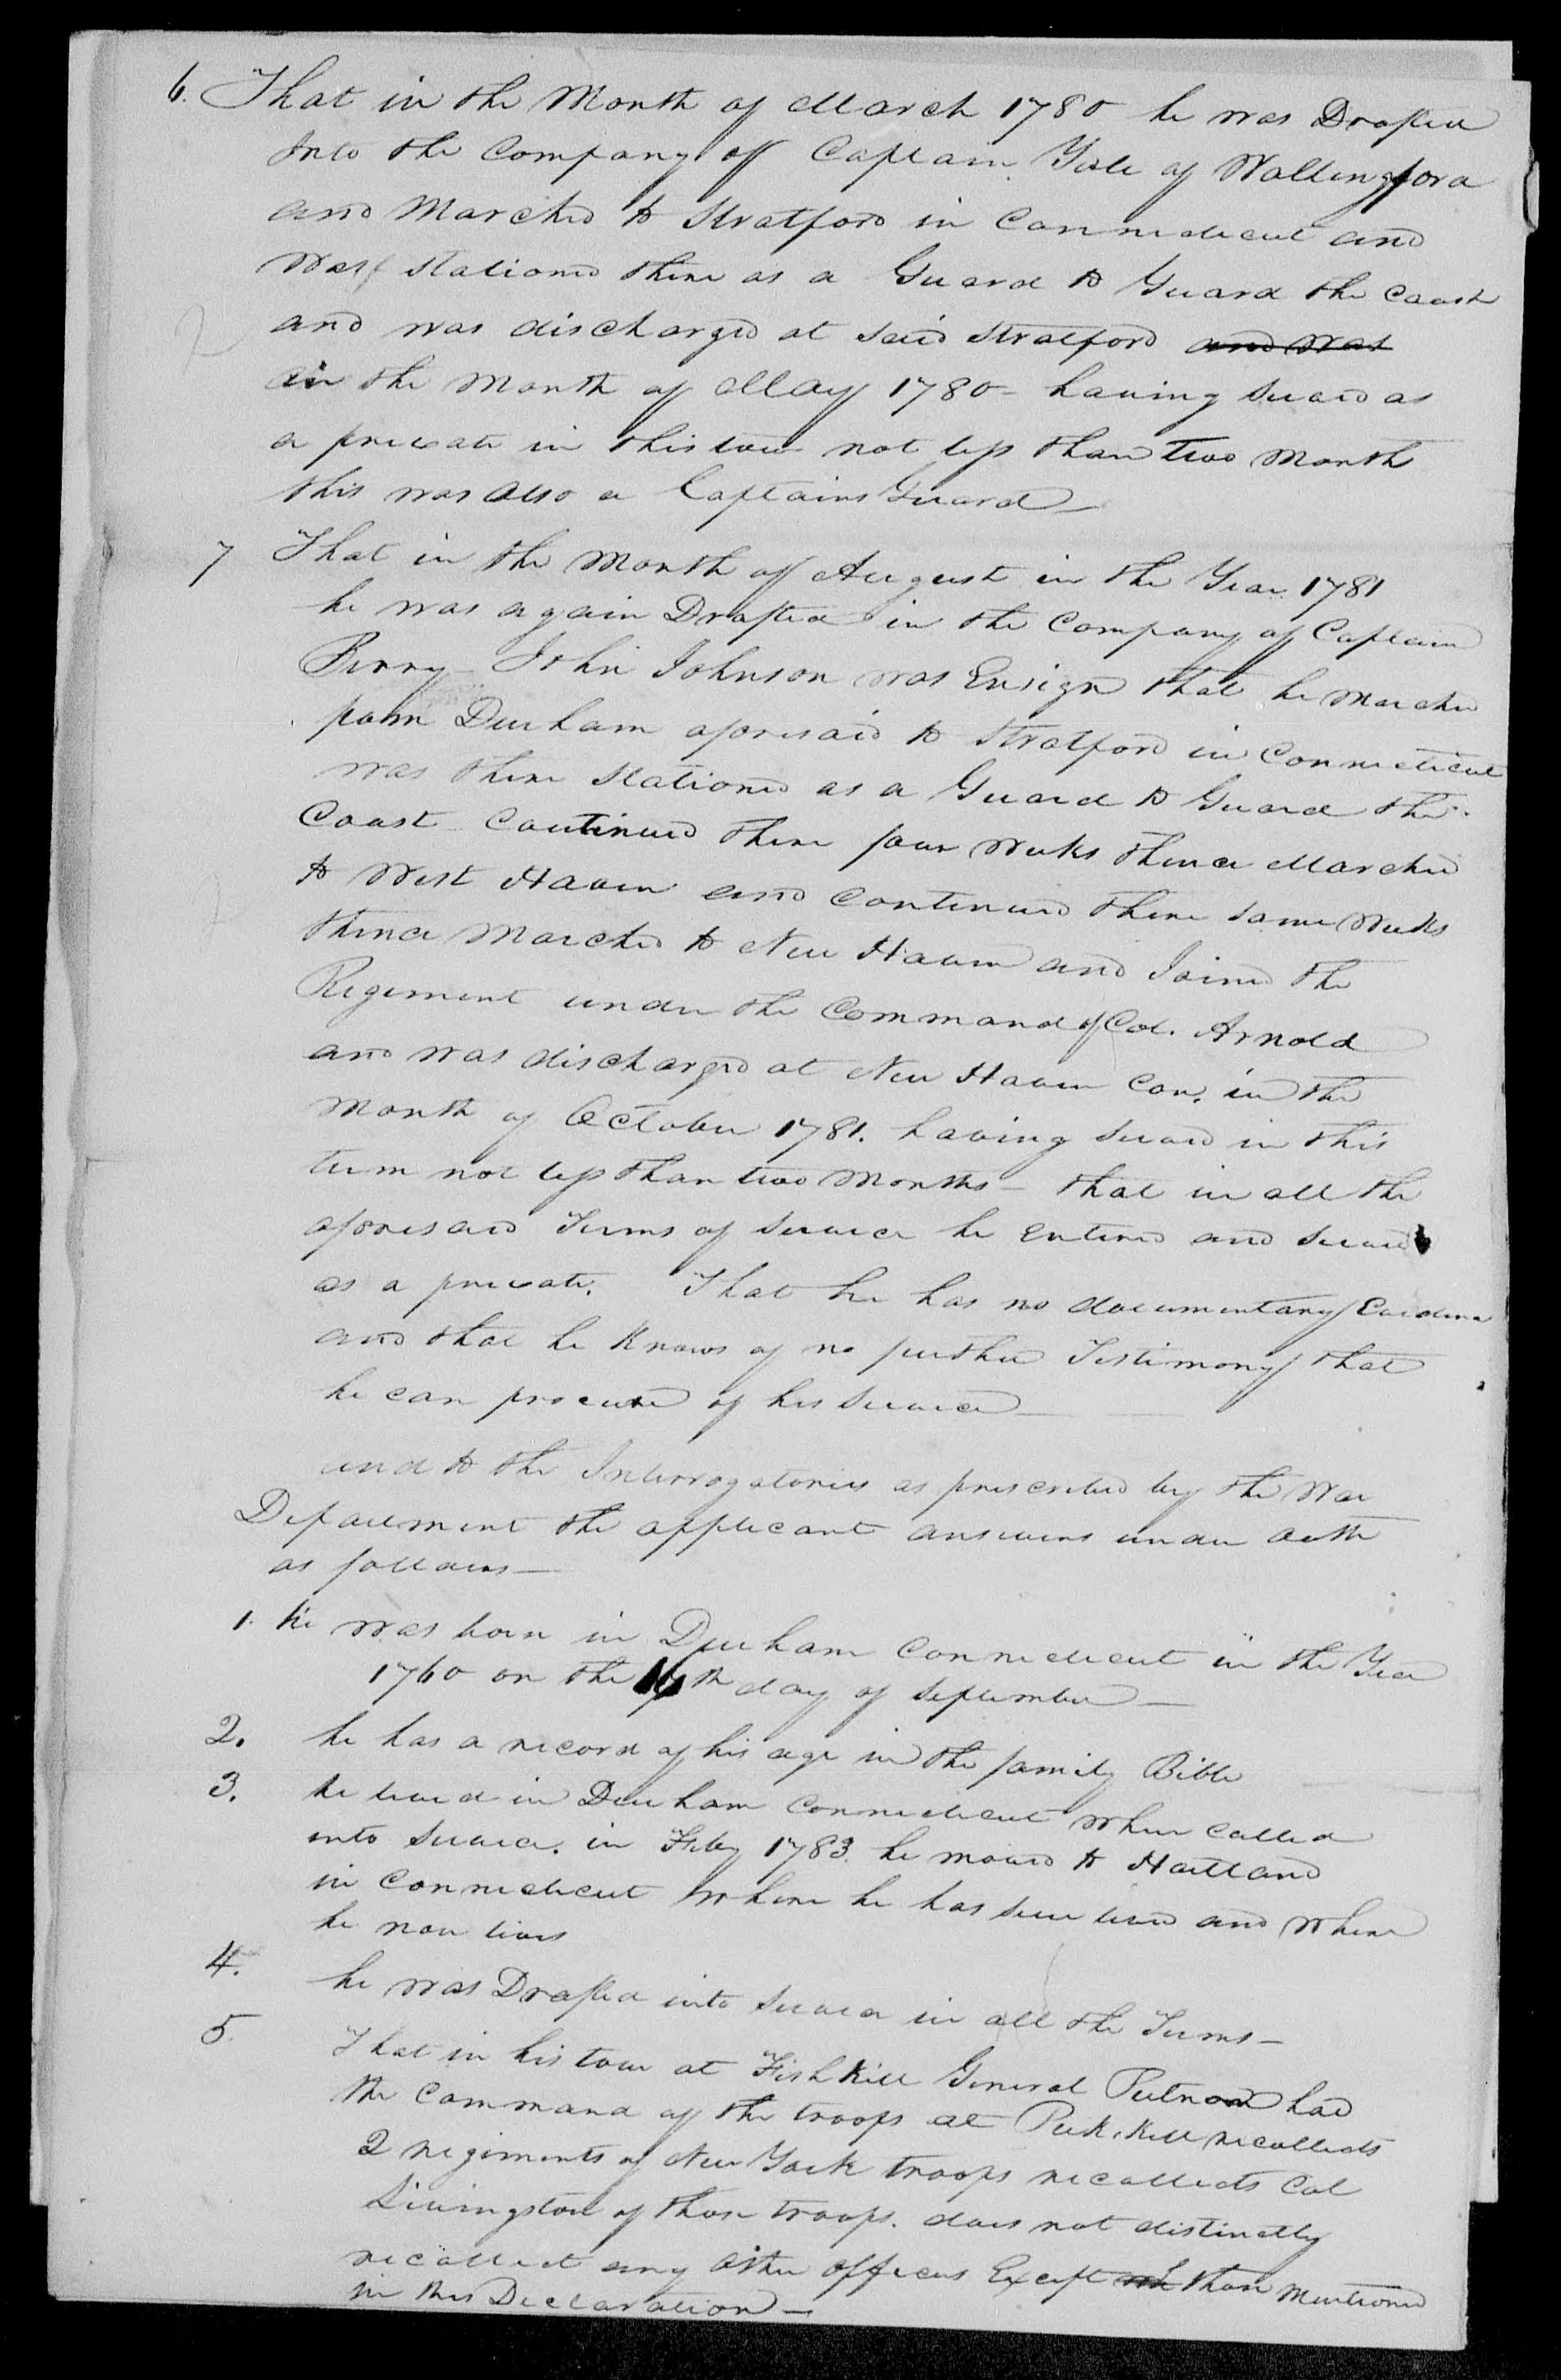6. That in the month of March 1780 he was drafted into the company of Captain Gale of Wallingford and marched to Stratford in Connecticut and was stationed as a guard to guard the coast and was discharged at [illegible] Stratford in the month of May 1780- having served as a private in this war not up than two months this war also a Captain's Guard.
7. That in the month of August in the year 1781 he was again drafted in the company of Captain Perry. John Johnson was  Ensign that he marched from Durham aforward to Stratford in Connecticut was then stationed as a Guard to guard the coast.  Continued then four weeks then marched to West Haven and continued then some weeks then marched to New Haven and joined the Regiment under the command of Col. Arnold and was discharged at New Haven Conn. in the month of October 1781 having served in this term not up that two months - that in all the aforward terms of service he entered and discharged as a Private. That he has no  documentary evidence and that he knows of no further testimony that he can present of his service and to the interrogations as presented by the War Department the applicant answers under oath as follows -
1. He was born in Durham Connecticut in the year 1760 on the 16tg day of September
2. He has a record of his age in the family Bible
3. He has lived in Durham Connecticut when called up into service in February 1783 he moved to Hartland in Connecticut where he has since been and where he now lives
4. He was drafted at Fishkill General Putnam the command of the troops at Peekskill recalled 2 regiments of New York troops since not distinctly recollects Col. Livingston of those troops does not distinctly recollect any other officers except those mentioned in his declaration-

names: Yale, Putnam, Livingston, Berry John Johnson, Arnold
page: 71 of 76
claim: widow's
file: W. 5,250, Timothy Coe, Conn.